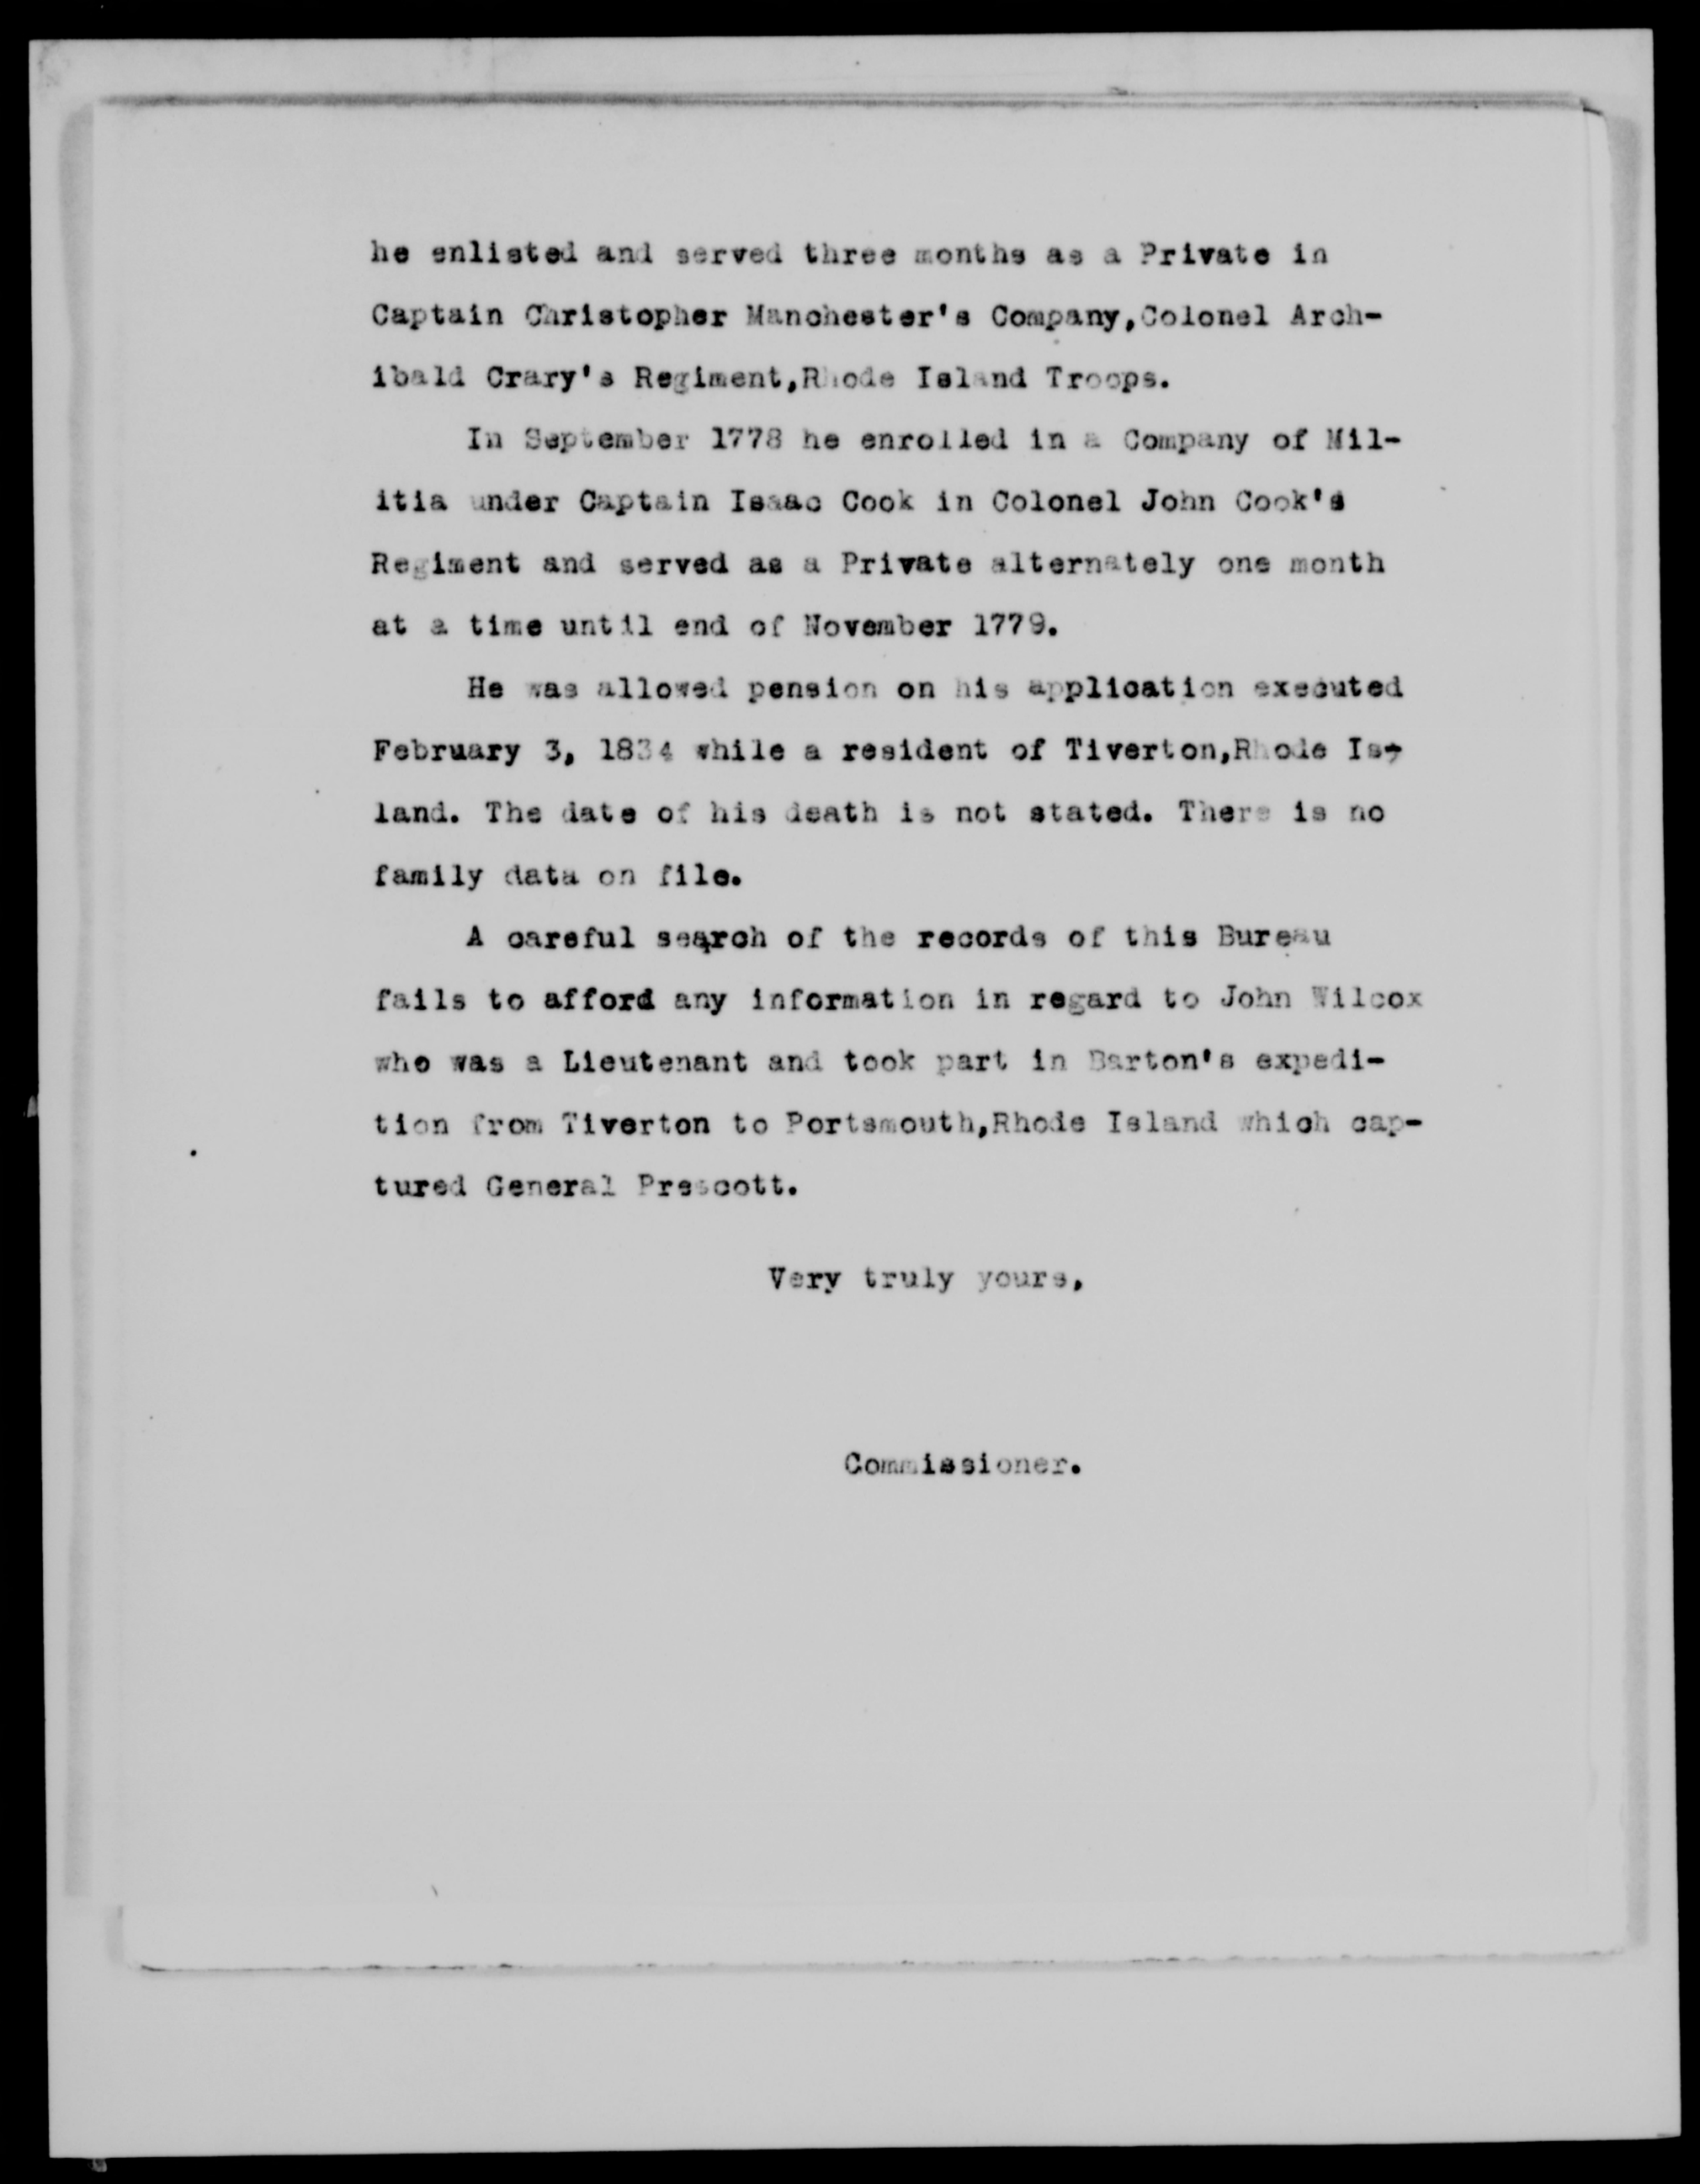he enlisted and served three months as a Private in
Captain Christopher Manchester's Company, Colonel Archibald Crary's Regiment, Rhode Island Troops.
In September 1778 he enrolled in a company of Militia
under Captain Isaac Cook in Colonel John Cook's
Regiment and served as a Private alternately one month
at a time until end of November 1779.
He was allowed pension on his application executed
February 3, 1834 while a resident of Tiverton, Rhode Island. The date of his death is not stated. There is no
family data on file.
A careful search of the records of this Bureau
fails to afford any information in regard to John Wilcox
who was a Lieutenant and took part in Barton's expedition
from Tiverton to Portsmouth, Rhode Island which captured General Prescott.
Very truly yours,
Commissioner.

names: John Wilcox, Isaac Cook, Prescott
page: 25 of 39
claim: widow's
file: W. 26046, Thomas Willcox, R.I.